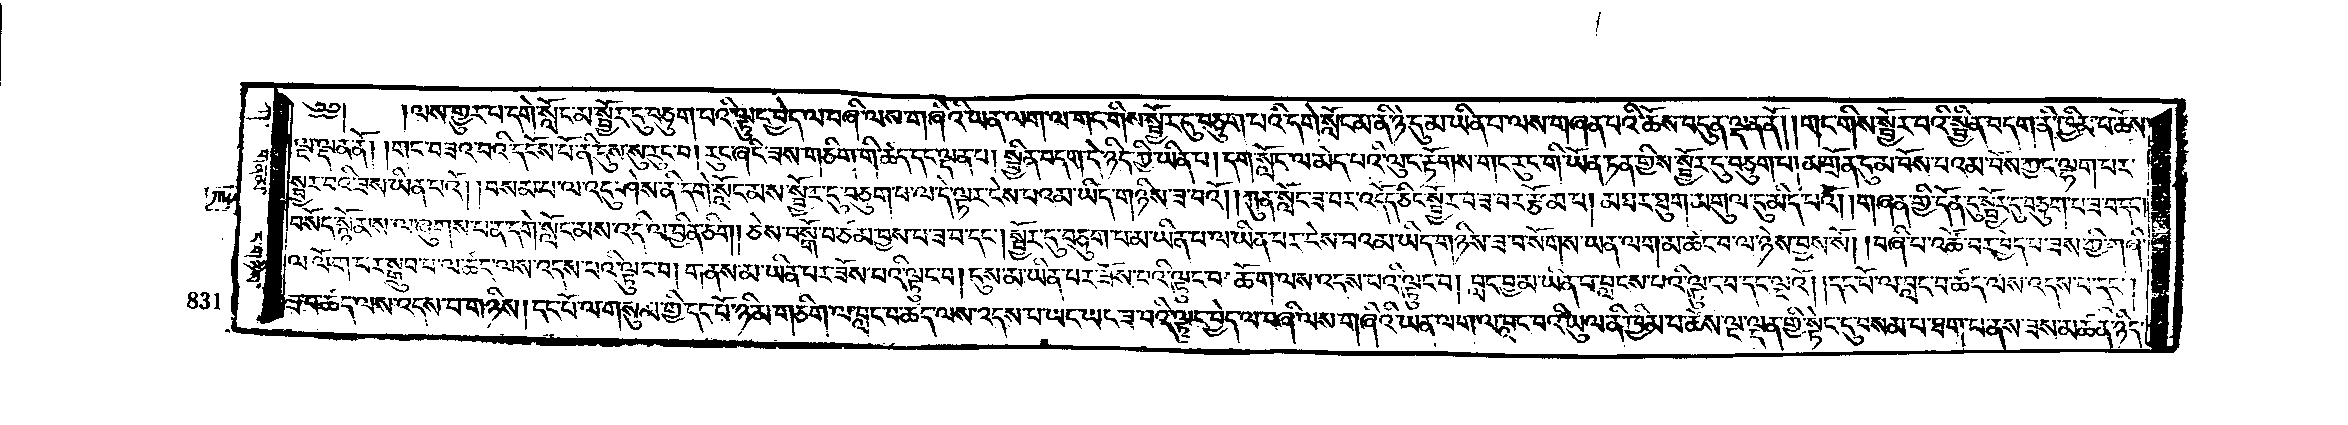༄༅། །ལས་གྱུར་པ་དགེ་སློང་མ་སྦྱོར་དུ་བཅུག་པའི་ལྟུང་བྱེད་ལ་བཞི་ལས་གཞིའི་ཡན་ལག་ལ་གང་གིས་སྦྱོར་དུ་བཅུག་པའི་དགེ་སློང་མ་ནི་ཉེ་དུ་མ་ཡིན་པ་ལས་གཞན་པའི་ཆོས་བདུན་ལྡན་ནོ། །གང་གིས་སྦྱོར་བའི་སྦྱིན་བདག་ནི་ཁྱིམ་པ་ཆོས་
ལྔ་ལྡན་ནོ། །གང་བཟའ་བའི་དངོས་པོ་ནི་དུས་སུ་རུང་བ། རུང་ཞིང་ཟས་གཅིག་གི་ཚད་དང་ལྡན་པ། སྦྱིན་བདག་དེ་ཉིད་ཀྱི་ཡིན་པ། དག་སློང་ལ་མེད་པའི་ལུང་རྟོགས་གང་རུང་གི་ཡོན་ཏན་གྱིས་སྦྱོར་དུ་བཅུག་པ། མགྲོན་དུ་མ་བོས་པའམ་བོས་ཀྱང་ལྷག་པར་
སྦྱར་བའི་ཟས་ཡིན་པའོ། །བསམ་པ་ལ་འདུ་ཤེས་ནི་དགེ་སློང་མས་སྦྱོར་དུ་བཅུག་པ་ལ་དེ་ལྟར་ངེས་པའམ་ཡིད་གཉིས་ཟ་བའོ། །ཀུན་སློང་ཟ་བར་འདོད་ཅིང་སྦྱོར་བ་ཟ་བར་རྩོམ་པ། མཐར་ཐུག་མགུལ་དུ་མིད་པའོ། །གཞན་གྱི་དོན་དུ་སྦྱོར་དུ་བཅུག་པ་ཟ་བ་དང་།
བསོད་སྙོམས་ལ་ཞུགས་པ་ན་དགེ་སློང་མས་འདི་ལ་བྱིན་ཅིག །ཅེས་བསྒོ་བ་ཙམ་བྱས་པ་ཟ་བ་དང་། སྦྱོར་དུ་བཅུག་པ་མ་ཡིན་པ་ལ་ཡིན་པར་ངེས་པའམ་ཡིད་གཉིས་ཟ་བ་སོགས་ཡན་ལག་མ་ཚང་བ་ལ་ཉེས་བྱས་སོ། །བཞི་པ་འཚོ་བར་བྱེད་པ་ཟས་ཀྱི་གཞི་
ལ་ལོག་པར་སྒྲུབ་པ་ལ་ཚད་ལས་འདས་པའི་ལྟུང་བ། གནས་མ་ཡིན་པར་ཟོས་པའི་ལྟུང་བ། དུས་མ་ཡིན་པར་ཟོས་པའི་ལྟུང་བ་ཆོ་ག་ལས་འདས་པའི་ལྟུང་བ། བླང་བྱ་མ་ཡིན་པ་བླངས་པའི་ལྟུང་བ་དང་ལྔའོ། །དང་པོ་ལ་བླང་བ་ཚད་ལས་འདས་པ་དང་།
ཟ་བ་ཚད་ལས་འདས་པ་གཉིས། དང་པོ་ལ་གསུམ་གྱི་དང་པོ་ཉི་མ་གཅིག་ལ་བླང་བ་ཚད་ལས་འདས་པ་ཡང་ཡང་ཟ་བའི་ལྟུང་བྱེད་ལ་བཞི་ལས་གཞིའི་ཡན་ལག་ལ་བླང་བའི་ཡུལ་ནི་ཁྱིམ་པ་ཆོས་ལྔ་ལྡན་གྱི་སྟེང་དུ་བསམ་པ་ཐག་པ་ནས་ཟས་མཚན་ཉིད་